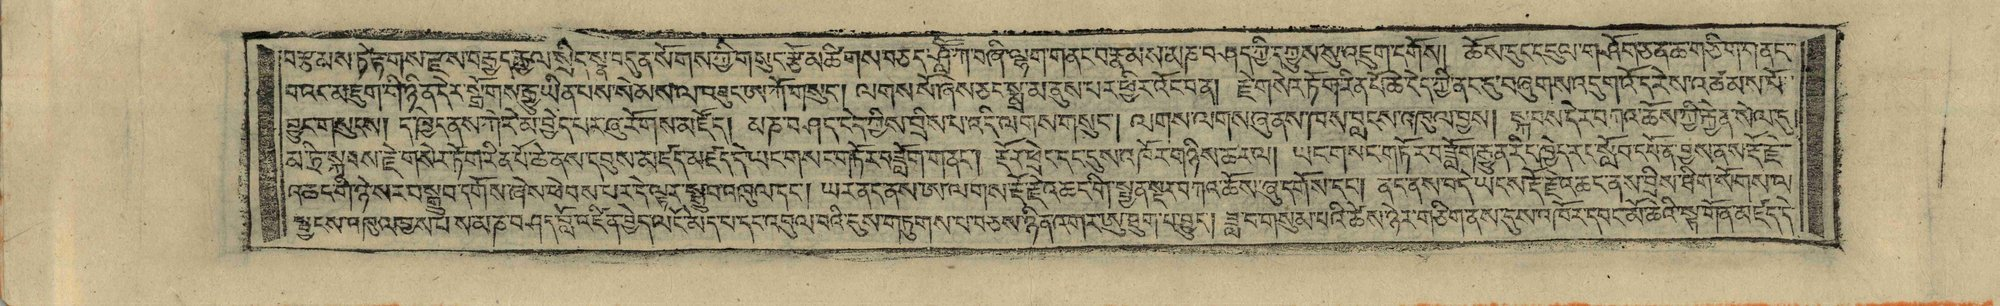བརྩམས་ཏེ་རྟགས་རྫས་བརྒྱད་རྒྱལ་སྲིད་སྣ་བདུན་སོགས་ཀྱི་གསུང་རྩོམ་ཚིགས་བཅད་ཤླཽ་ཀ་བཞི་ལྷག་གནང་བ་རྣམས་མཎ་བཤད་ཀྱི་དཀྱུས་སུ་འཇུག་དགོས། ཆོས་དུང་དངུལ་གཤོག་ཅན་ཆ་གཅིག་གནང་
བའང་མཇུག་གི་ཉིན་དེར་སྒྲོགས་རྒྱུ་ཡིན་པས་སེམས་ལ་བཟུང་ཨ་ཀོ་གསུང་། ལགས་སོ་ཞེས་ཆང་སྨྲ་མ་ནུས་པར་ཕྱིར་འོང་བ་ན། རྗེ་གསེར་ཏོག་རིན་པོ་ཆེ་ངེད་ཀྱི་ནང་དུ་བཞུགས་འདུག་འོད་རེས་འཚམས་པོ་
བྱུང་གསུངས། ད་ཁྱེད་ནས་ཀེ་རེ་མ་བྱེད་པར་ཞུ་རོགས་མཛོད། མཎ་བཤད་ངེད་ཀྱིས་བྲིས་པ་འདི་ལགས་གསུང་། ལགས་ལགས་ཞུ་ནས་ཁས་བླངས་འཁུལ་བྱས། སྐབས་དེར་བཀའ་ཆོས་ཀྱི་རྐྱེན་སེལ་དུ།
མ་ཏྲི་སྐབས་རྗེ་གསེར་ཏོག་རིན་པོ་ཆེ་ནས་དབུས་མཛད་མཛད་དེ་ཡང་གསང་གཏོར་བཟློག་གནང་། རྡོར་ཕྲེང་དང་དུས་འཁོར་གཉིས་ཆར་ལ། ཡང་གསང་གཏོར་བཟློག་རྒྱུན་རིང་ཁྱེད་རང་སློབ་དཔོན་བྱས་ནས་རྡོ་རྗེ་
འཆང་གི་ཉེ་སར་བསྒྲུབ་དགོས་ཞེས་ཕེབས་པར་དེ་ལྟར་སྒྲུབ་འཁུལ་དང་། ཡར་ནང་ནས་ཨ་ལགས་རྡོ་རྗེ་འཆང་གི་སྤྱན་སྔར་བཀའ་ཆོས་ཞུ་དགོས་དང་། ནང་ནས་བདེ་ཡངས་རྡོ་རྗེ་འཆང་ནས་བྲིས་ཐིག་སོགས་ལ་
སྦྱངས་འཁུལ་བྱས་པས་མཎ་བཤད་བློ་འཛིན་བྱེད་ལོང་མེད་པ་དང་འབུལ་བའི་དུས་གཏུགས་པ་བཅས་ཉིན་འགར་ཨུ་ཐུག་པ་བྱུང་། ཟླ་བ་གསུམ་པའི་ཚེས་ཉེར་གཅིག་ནས་དུས་འཁོར་དབང་མོ་ཆེའི་སྟ་གོན་མཛད་དེ་